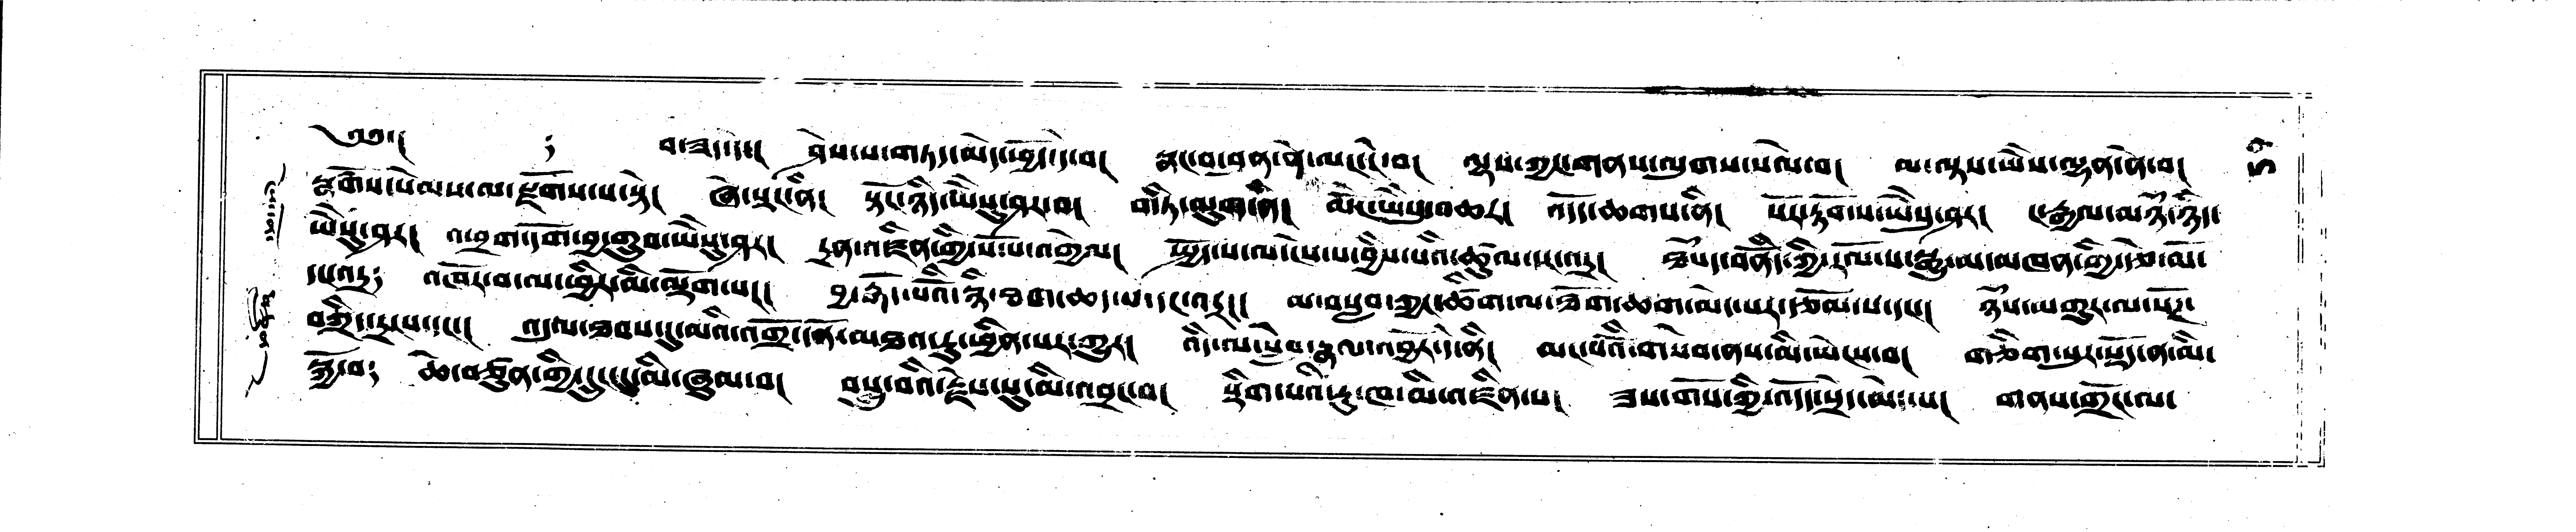བ་ཟད་དེ། ཤེས་པ་གཏད་མེད་ཕྱོད་དེ་བ། སྣང་བ་བུན་ནེ་ལང་ངེ་བ། བལྟས་ཀྱང་གནས་ལུགས་སལེ་བ། མ་བལྟས་ཡེ་ཤེས་ལྷན་ནེ་བ། 
སྣ་ཚོགས་སེམས་ལ་རྫོགས་པ་སྟེ། ཞེ་སྡང་ནི་ སྟོང་ཉིད་ཡེ་ཤེས་སུ་ཤར་བ། གཏི་མུག་ནི། མེ་ལོང་ཡེ་ཤེས་སུ་འཆར། འདོད་ཆགས་ནི་སོར་རྟོགས་ཡེ་ཤེས་སུ་འཆར། ང་རྒྱལ་མཉམ་ཉིད་
ཡེ་ཤེས་སུ་ཤར། ཕྲག་དོག་བྱ་གྲུབ་ཡེ་ཤེས་སུ་ཤར། དྲན་འཛིན་གྱི་སོ་པ་འགྱེལ། སྤྱོད་པ་མ་ངེས་པ་བྱིས་པའི་ཚུལ་དང་འདྲ། ཐམས་ཅད་བོན་ཉིད་ཀྱི་རོལ་པ་སྒྱུ་མ་མཁན་གྱི་རྩེད་མོ་
དང་འདྲ། འཁོར་བ་ལ་ཕྱིར་མི་ལྡོག་པ། བྱ་རྒོད་པོའི་རྙི་ཐག་ཆད་པ་དང་འདྲ། མ་བསླབས་ཀྱང་ཚིག་ལ་ཐོགས་ཆགས་མེད་པ་རྩོམ་པ་དང་། ཉམས་མགུར་ལ་སོགས་
བཀྲིད་དྲང་དང་འདུལ་ཐབས་དུ་མའི་འགྲོ་དོན་མཐའ་རུ་ཕྱིན་པར་གྱུར། འདི་ལ་སླེབས་པའི་རྣལ་འབྱོར་དེ་ནི། མང་པོའི་གསེབ་ནས་མི་ཡེངས་པ། གཅིག་པུར་སྡོད་ན་མི་
སྐྱོ་བ། ཆེ་བཙུན་གྱི་དྲུང་དུ་མི་ཞུམ་པ། བསླུ་བའི་རྗེས་སུ་མི་འབྲང་བ། སྡིག་པའི་རུ་ཁ་མི་འཛིན་པ། ཟས་གོས་ཀྱི་འདོད་སྲེད་མེད་པ། གནས་གྲོང་ལ་